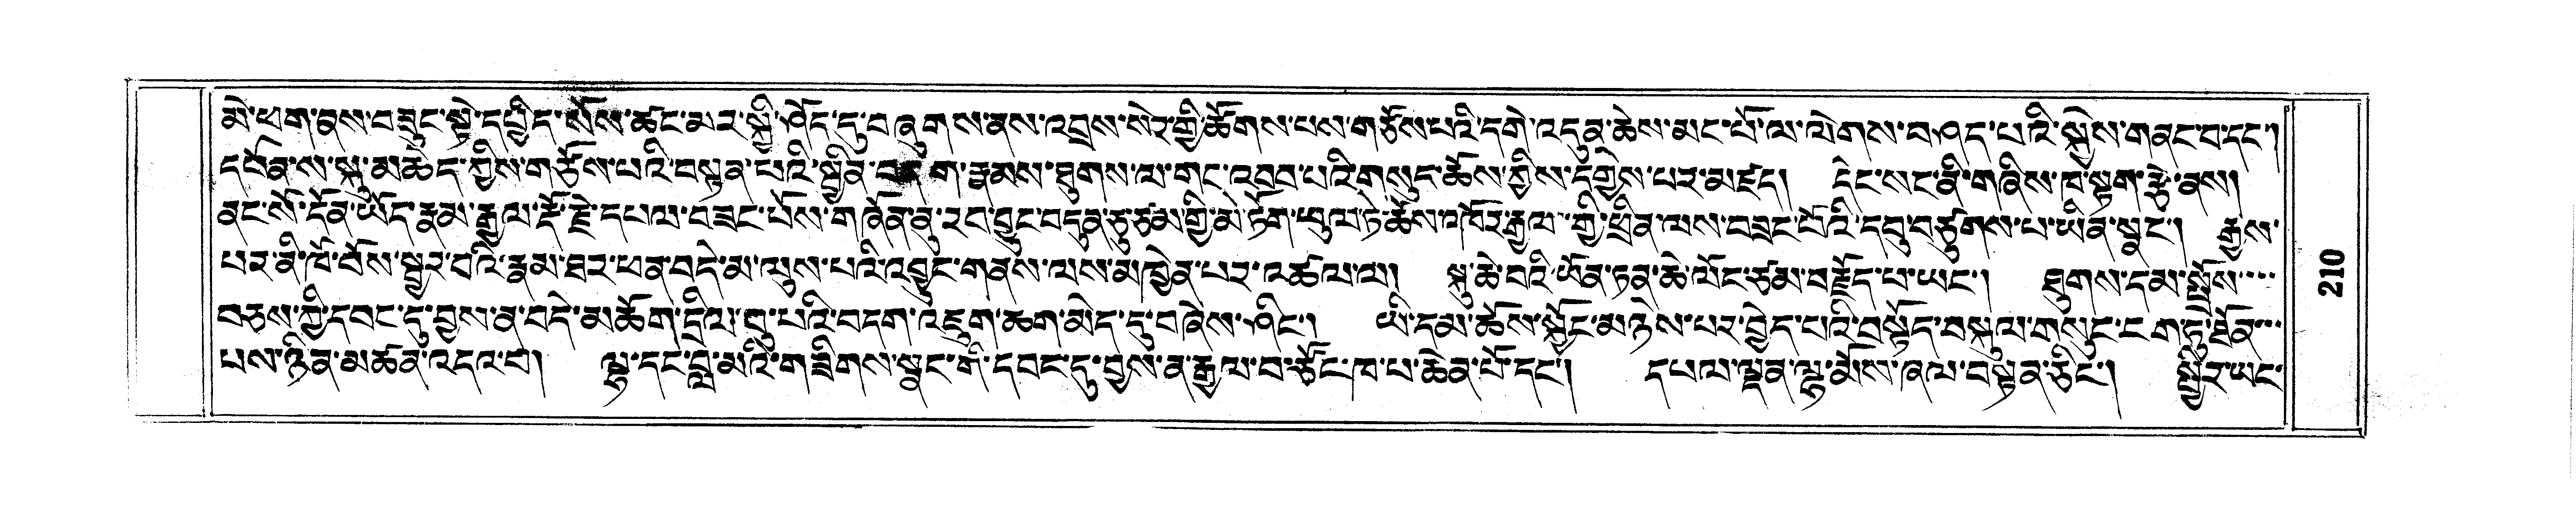མེ་ཕག་ནས་བཟུང་སྟེ་དཔྱིད་སོས་ཚང་མར་སྐྱི་ཤོད་དུ་བཞུགས་ནས་འབྲས་སེར་གྱི་ཚོགས་པས་གཙོས་པའི་དགེ་འདུན་ཆེས་མང་པོ་ལ་ལེགས་བཤད་པའི་སྐྱེས་གནང་བ་དང་།
དཔོན་ས་སྐུ་མཆེད་ཀྱིས་གཙོས་པའི་བསྟན་པའི་སྦྱིན་བདག་བདག་རྣམས་ཐུགས་ལ་གང་འབབ་པའི་གསུང་ཆོས་ཀྱིས་དགྱེས་པར་མཛད། དེང་སང་ནི་གཞིས་ཁ་སྟག་རྩེ་ནས།
ནང་སོ་དོན་ཡོད་རྣམ་རྒྱལ་རྡོ་རྗེ་དཔལ་བཟང་པོས་གཞོན་ནུ་རབ་བྱུང་བདུན་ཅུ་ཙམ་གྱི་མེ་ཏོག་ཕུལ་ཏེ་ཆོས་འཁོར་རྒྱལ་གྱི་ཕྲིན་ལས་བཟང་པོའི་དབུ་བཙུགས་པ་ཡིན་སྣང་། རྒྱས་
པར་ནི་ཁོ་བོས་སྦྱར་བའི་རྣམ་ཐར་ཕན་བདེ་མ་ལུས་པའི་འབྱུང་གནས་ལས་མཁྱེན་པར་འཚལ་ལ། སྐུ་ཆེ་བའི་ཡོན་ཏན་ཆེ་ལོང་ཙམ་བརྗོད་པ་ཡང་། ཐུགས་དམ་སྤྲོས་
བཅས་ཀྱི་དབང་དུ་བྱས་ན་བདེ་མཆོག་དྲིལ་བུ་པའི་བདག་འཇུག་ཆག་མེད་དུ་བཞེས་ཤིང་། ཡི་དམ་ཆོས་སྐྱོང་མཉེས་པར་བྱེད་པའི་བསྟོད་བསྐུལ་གསུང་ངག་ཏུ་ཐོན་
པས་ཉིན་མཚན་འདའ་བ། ལྷ་དང་བླ་མའི་གཟིགས་སྣང་གི་དབང་དུ་བྱས་ན་རྒྱལ་བ་ཙོང་ཁ་པ་ཆེན་པོ་དང་། དཔལ་ལྡན་ལྷ་མོས་ཞལ་བསྟན་ཅིང་། སྤྱིར་ཡང་